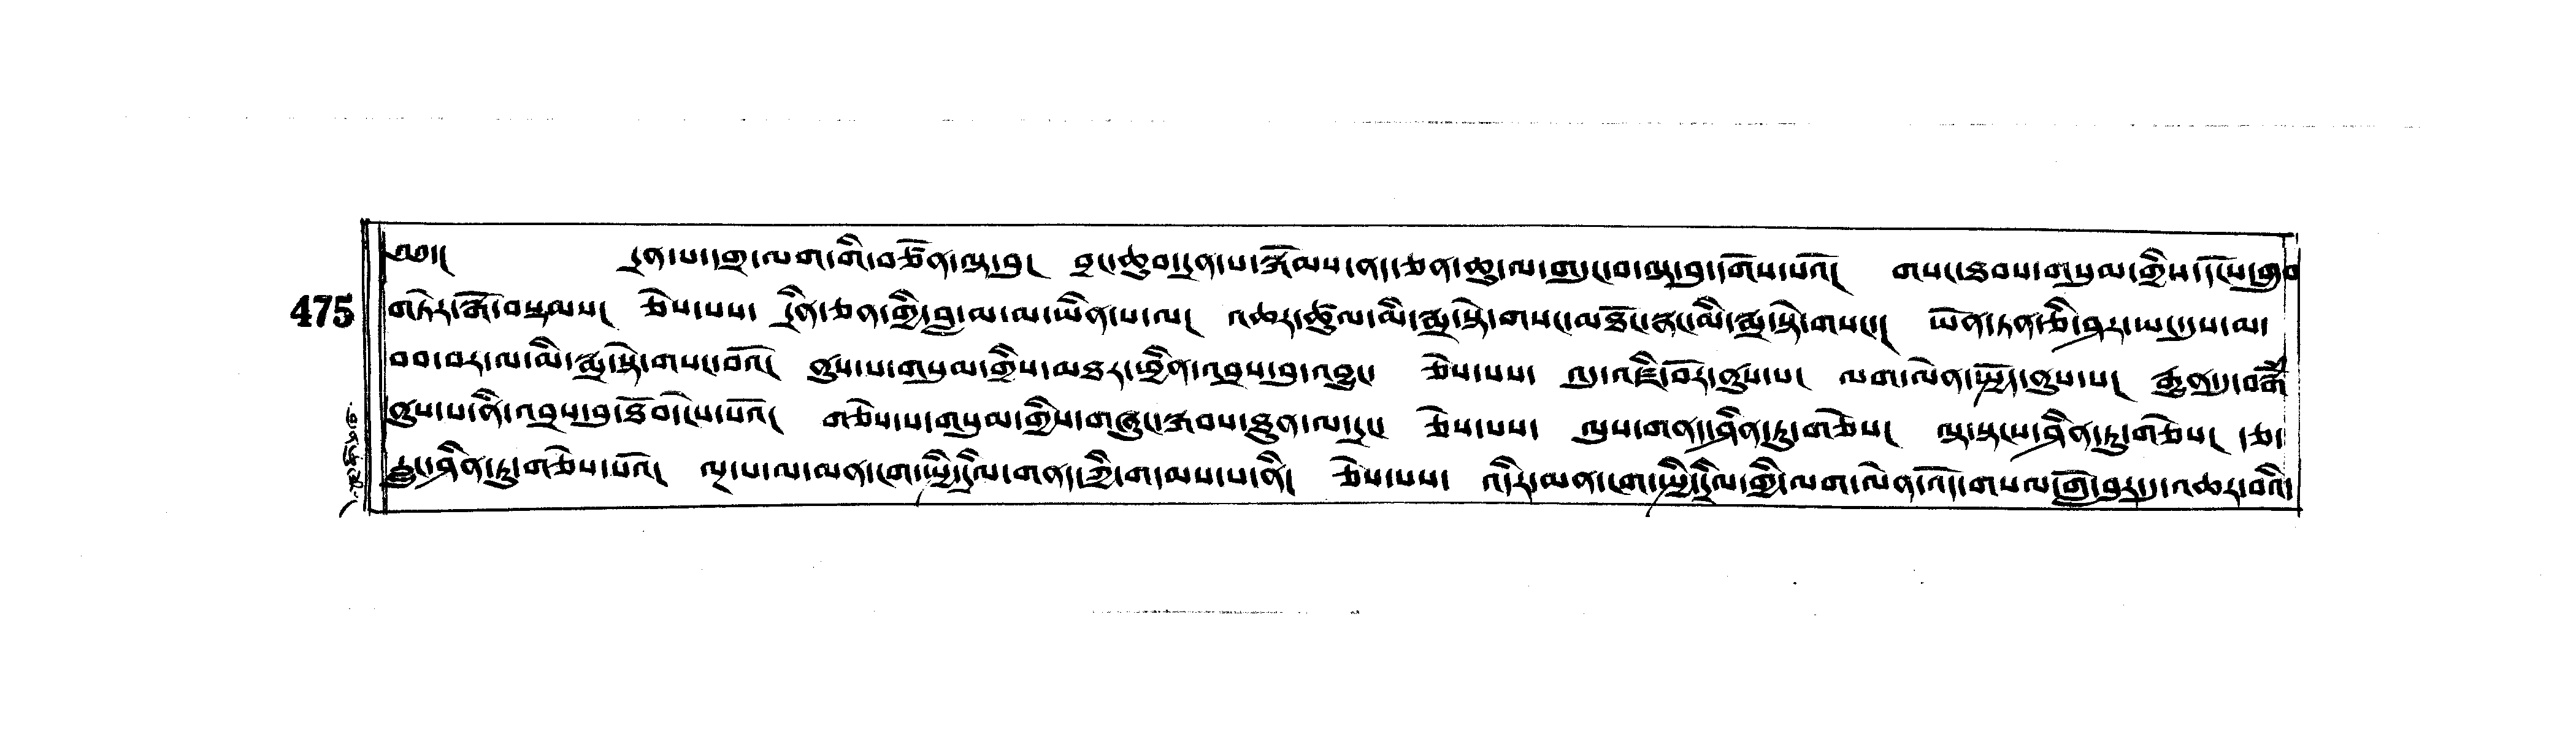དྲན་པ་དགྲ་ལག་གི་བཙོན་༼པ༽ལྟ་བུ། བྱང་ཆུབ་དྲན་པ་སྐོམ་ནད་ཅན་ཆུ་ལ་གདུང་བ་ལྟ་བུ་དགོས་པའོ། གསང་ཐབས་གསུམ་གྱིས་དངོས་གྲུབ་
གཏེར་སྒོ་བསྡམས། ཅེས་པས། དྲིན་ཅན་གྱི་བླ་མ་མ་ཡིན་པ་ལ། འཆར་ཚུལ་མི་སྨྲ་སྟེ་གསང་མཐོང་ནང་མི་སྨྲ་སྟེ་གསང་། ཡོན་ཏན་ཅི་ཤར་ཡང་དུས་མ་
བབས་བར་ལ་མི་སྨྲ་སྟེ་གསང་བའོ། ནུས་པ་གསུམ་གྱིས་མཐར་ཕྱིན་འབྲས་བུ་འབྱུང་། ཅེས་པས། འདུ་འཛི་བོར་ནུས་པ། ལག་ལེན་སྤྱོད་ནུས་པ། རྒྱུན་དུ་བསྒོམ་
ནུས་པ་ནི་འབྲས་བུ་ཐོབ་ངེས་པའོ། གཅེས་པ་གསུམ་གྱིས་གཞུང་སྐབས་ཐུན་ལ་དྲང་། ཅེས་པས། ལུས་གནད་ཤིན་ཏུ་གཅེས། ལྟ་སྟངས་ཤིན་ཏུ་གཅེས། རྩ་
རླུང་ཤིན་ཏུ་གཅེས་པའོ། ༧ ལྔ་པ་ལ་མན་ངག་སྤྱི་དྲིལ་གནད་ཀྱི་གདམས་པ་ནི། ཅེས་པས། འདིར་མན་ངག་སྤྱི་དྲིལ་གྱི་ལག་ལེན་འོད་གསལ་གློ་བུར་དུ་འཆར་བའི་